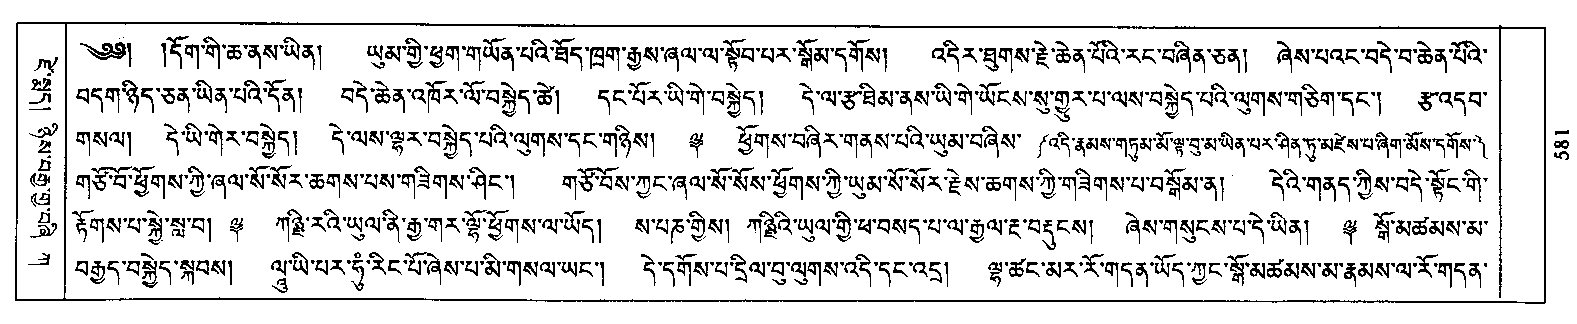༄༅། །དོག་གི་ཆ་ནས་ཡིན། ཡུམ་གྱི་ཕྱག་གཡོན་པའི་ཐོད་ཁྲག་རྒྱས་ཞལ་ལ་སྟོབ་པར་སྒོམ་དགོས། འདིར་ཐུགས་རྗེ་ཆེན་པོའི་རང་བཞིན་ཅན། ཞེས་པའང་བདེ་བ་ཆེན་པོའི་
བདག་ཉིད་ཅན་ཡིན་པའི་དོན། བདེ་ཆེན་འཁོར་ལོ་བསྐྱེད་ཚེ། དང་པོར་ཡི་གེ་བསྐྱེད། དེ་ལ་རྩ་ཐིམ་ནས་ཡི་གེ་ཡོངས་སུ་གྱུར་པ་ལས་བསྐྱེད་པའི་ལུགས་གཅིག་དང་། རྩ་འདབ་
གསལ། དེ་ཡི་གེར་བསྐྱེད། དེ་ལས་ལྷར་བསྐྱེད་པའི་ལུགས་དང་གཉིས། ༈ ཕྱོགས་བཞིར་གནས་པའི་ཡུམ་བཞིས། ?འདི་རྣམས་གཏུམ་མོ་ལྟ་བུ་མ་ཡིན་པར་ཤིན་ཏུ་མཛེས་པ་ཞིག་མོས་དགོས
གཙོ་བོ་ཕྱོགས་ཀྱི་ཞལ་སོ་སོར་ཆགས་པས་གཟིགས་ཤིང་། གཙོ་བོས་ཀྱང་ཞལ་སོ་སོས་ཕྱོགས་ཀྱི་ཡུམ་སོ་སོར་རྗེས་ཆགས་ཀྱི་གཟིགས་པ་བསྒོམ་ན། དེའི་གནད་ཀྱིས་བདེ་སྟོང་གི་
རྟོགས་པ་སྐྱེ་སླ་བ། ༈ ཀཉྫི་རའི་ཡུལ་ནི་རྒྱ་གར་ལྷོ་ཕྱོགས་ལ་ཡོད། ས་པཎ་གྱིས། ཀཉྫིའི་ཡུལ་གྱི་ཕ་བསད་པ་ལ་རྒྱལ་རྔ་བརྡུངས། ཞེས་གསུངས་པ་དེ་ཡིན། ༈ སྒོ་མཚམས་མ་
བརྒྱད་བསྐྱེད་སྐབས། ལཱུ་ཡི་པར་ཧུཾ་རིང་པོ་ཞེས་པ་མི་གསལ་ཡང་། དེ་དགོས་པ་དྲིལ་བུ་ལུགས་འདི་དང་འདྲ། ལྷ་ཚང་མར་རོ་གདན་ཡོད་ཀྱང་སྒོ་མཚམས་མ་རྣམས་ལ་རོ་གདན་